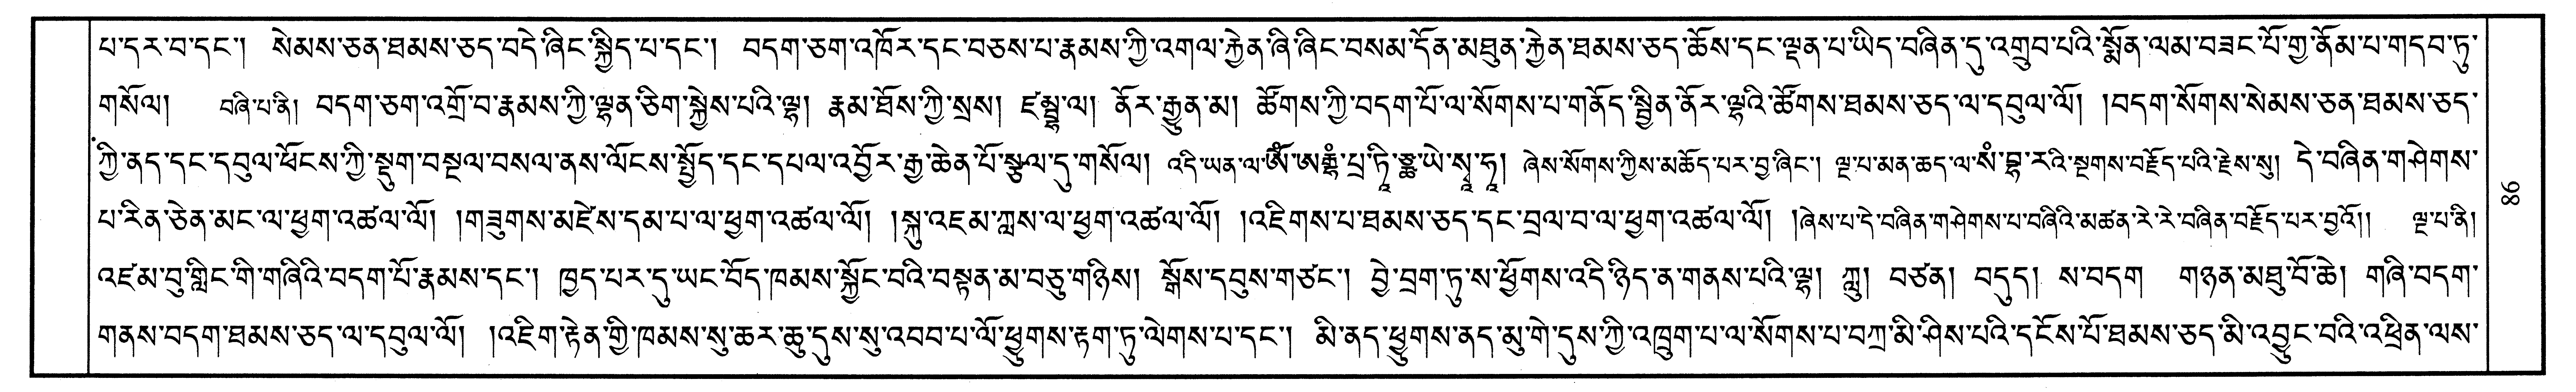པ་དར་བ་དང་། སེམས་ཅན་ཐམས་ཅད་བདེ་ཞིང་སྐྱིད་པ་དང་། བདག་ཅག་འཁོར་དང་བཅས་པ་རྣམས་ཀྱི་འགལ་རྐྱེན་ཞི་ཞིང་བསམ་དོན་མཐུན་རྐྱེན་ཐམས་ཅད་ཆོས་དང་ལྡན་པ་ཡིད་བཞིན་དུ་འགྲུབ་པའི་སྨོན་ལམ་བཟང་པོ་གྱ་ནོམ་པ་གདབ་ཏུ་
གསོལ། བཞི་པ་ནི། བདག་ཅག་འགྲོ་བ་རྣམས་ཀྱི་ལྷན་ཅིག་སྐྱེས་པའི་ལྷ། རྣམ་ཐོས་ཀྱི་སྲས། ཛམྦྷ་ལ། ནོར་རྒྱུན་མ། ཚོགས་ཀྱི་བདག་པོ་ལ་སོགས་པ་གནོད་སྦྱིན་ནོར་ལྷའི་ཚོགས་ཐམས་ཅད་ལ་དབུལ་ལོ། །བདག་སོགས་སེམས་ཅན་ཐམས་ཅད་
ཀྱི་ནད་དང་དབུལ་ཕོངས་ཀྱི་སྡུག་བསྔལ་བསལ་ནས་ལོངས་སྤྱོད་དང་དཔལ་འབྱོར་རྒྱ་ཆེན་པོ་སྩལ་དུ་གསོལ། འདི་ཡན་ལ་ཨོཾ་ཨརྒྷཾ་པྲ་ཏཱི་ཙྪ་ཡེ་སྭཱ་ཧཱ། ཞེས་སོགས་ཀྱིས་མཆོད་པར་བྱ་ཞིང་། ལྔ་པ་མན་ཆད་ལ་སཾ་བྷ་རའི་སྔགས་བརྗོད་པའི་རྗེས་སུ། དེ་བཞིན་གཤེགས་
པ་རིན་ཅེན་མང་ལ་ཕྱག་འཚལ་ལོ། །གཟུགས་མཛེས་དམ་པ་ལ་ཕྱག་འཚལ་ལོ། །སྐུ་འཇམ་ཀླས་ལ་ཕྱག་འཚལ་ལོ། །འཇིགས་པ་ཐམས་ཅད་དང་བྲལ་བ་ལ་ཕྱག་འཚལ་ལོ། །ཞེས་པ་དེ་བཞིན་གཤེགས་པ་བཞིའི་མཚན་རེ་རེ་བཞིན་བརྗོད་པར་བྱའོ།། ལྔ་པ་ནི།
འཛམ་བུ་གླིང་གི་གཞིའི་བདག་པོ་རྣམས་དང་། ཁྱད་པར་དུ་ཡང་བོད་ཁམས་སྐྱོང་བའི་བསྟན་མ་བཅུ་གཉིས། སྒོས་དབུས་གཙང་། བྱེ་བྲག་ཏུ་ས་ཕྱོགས་འདི་ཉིད་ན་གནས་པའི་ལྷ། ཀླུ། བཙན། བདུད། ས་བདག། གཉན་མཐུ་བོ་ཆེ། གཞི་བདག་
གནས་བདག་ཐམས་ཅད་ལ་དབུལ་ལོ། །འཇིག་རྟེན་གྱི་ཁམས་སུ་ཆར་ཆུ་དུས་སུ་འབབ་པ་ལོ་ཕྱུགས་རྟག་ཏུ་ལེགས་པ་དང་། མི་ནད་ཕྱུགས་ནད་མུ་གེ་དུས་ཀྱི་འཁྲུག་པ་ལ་སོགས་པ་བཀྲ་མི་ཤིས་པའི་དངོས་པོ་ཐམས་ཅད་མི་འབྱུང་བའི་འཕྲིན་ལས་